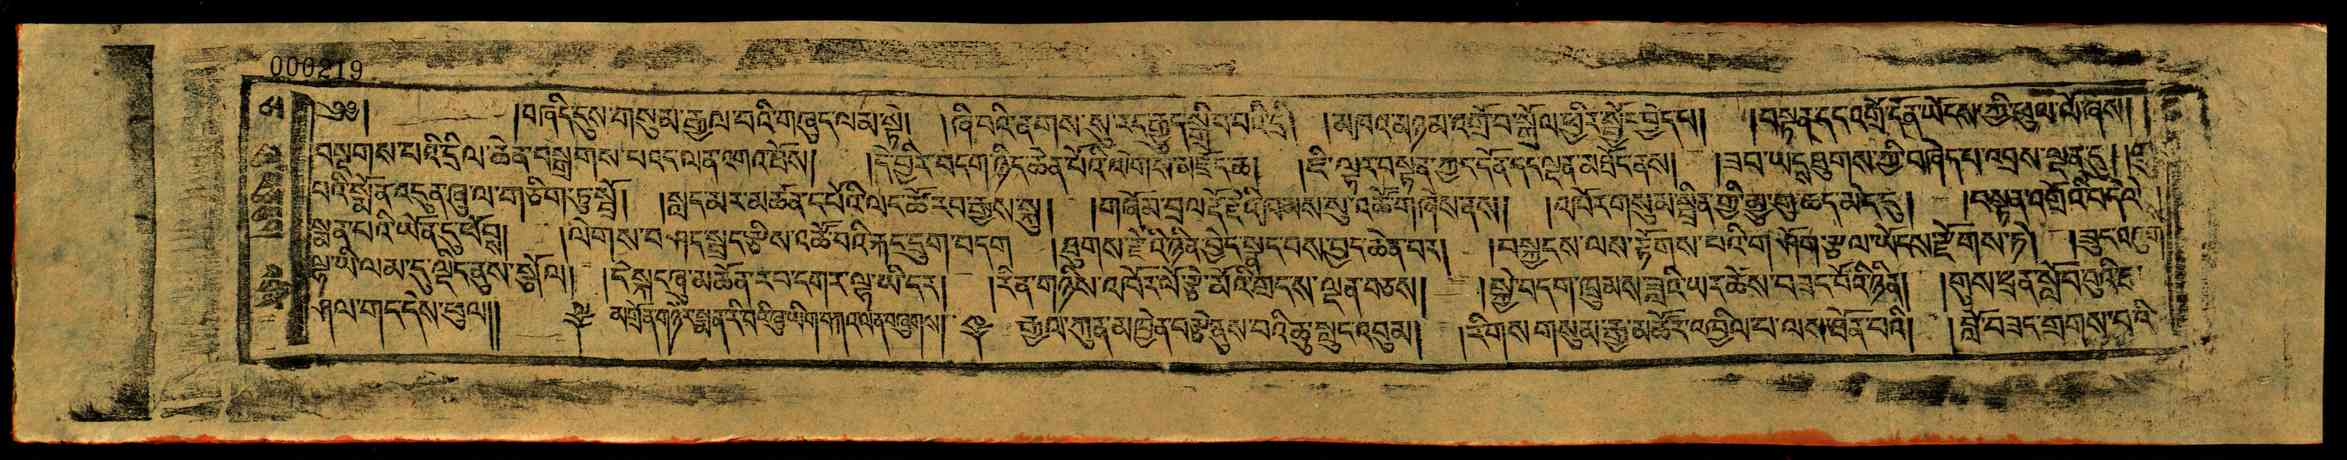༄༅། །བཞེད་དུས་གསུམ་རྒྱལ་བའི་གཞུང་ལམ་སྟེ། །ཞི་བའི་ནགས་སུ་རང་རྒྱུད་སྒྲིབ་པའི་དྲི། །མཁའ་མཉམ་འགྲོ་བ་སྒྲོལ་ཕྱིར་སྦྱོང་བྱེད་པ། །བསྟན་དང་འགྲོ་དོན་ཡོངས་ཀྱི་ཕུལ་ལོ་ཞེས།།
བསྔགས་པའི་དྲིལ་ཆེན་བསྒྲགས་པའང་ལན་འགའ་ཐོས། །དེ་ཕྱིར་བདག་ཉིད་ཆེན་པོའི་ལེགས་མཛད་ཆ། །ཇི་ལྟར་བསྟན་ཀྱང་དོན་དང་ལྡན་མཐོང་ནས། །ཟབ་ཡངས་ཐུགས་ཀྱི་བཞེད་པ་འབྲས་ལྡན་དུ། །འགྱུར་
བའི་སྨོན་འདུན་ཞུ་ལ་གཅིག་ཏུ་སྤྲོ། །སླད་མར་མཚན་དཔེའི་ལང་ཚོ་རབ་རྒྱས་སྐུ། །གཞོམ་བྲལ་རྡོ་རྗེའི་ཁམས་སུ་འཚོ་གཞེས་ནས། །འཁོར་གསུམ་སྤྲིན་གྱི་མྱུ་གུ་ཆད་མེད་དུ། །བསྟན་འགྲོའི་བདེ་ལེགས་
སྨན་པའི་ཡོན་དུ་ཕོབས། །ལེགས་བཤད་སྦྲང་རྩིས་འཚོ་བའི་རྐང་དྲུག་བདག །ཐུགས་རྗེའི་ཉིན་བྱེད་སྣང་བས་བྱང་ཆེན་བར། །བསྐྱངས་ལས་རྟོགས་པའི་གཤོག་རྩལ་ཡོངས་རྫོགས་ཏེ། །ཟུང་འཇུག་
ལྷ་ཡི་ལམ་དུ་ལྡོང་ནུས་སྕོལ། །དེ་སྐད་ཞུ་མཚོན་རབ་དཀར་ལྷ་ཡི་དང་། །རིན་གཉིས་འཁོར་ལོ་རྩེ་མོའི་གྲངས་ལྡན་བཅས། །སྐྱེ་བདག་ཁྲུམས་ཟླའི་ཡར་ཚེས་བཟང་པོའི་ཉིན། །གུས་ཕྲན་སློབ་བུའི་ཐ་
ཤལ་གང་དེས་ཕུལ།། འྨྒྲོན་གཉེར་སྨན་རི་བའི་ཞུ་ཡིག་བཀའ་ལན་བཞུགས། འྲྒྱལ་ཀུན་མཁྱེན་བརྩེ་ནུས་པའི་ཆུ་ཀླུང་འབུམ། །རིགས་གསུམ་རྒྱ་མཚོར་འཁྱིལ་པ་ལས་ཐོན་པའི། །བློ་བཟང་གྲགས་པའི་